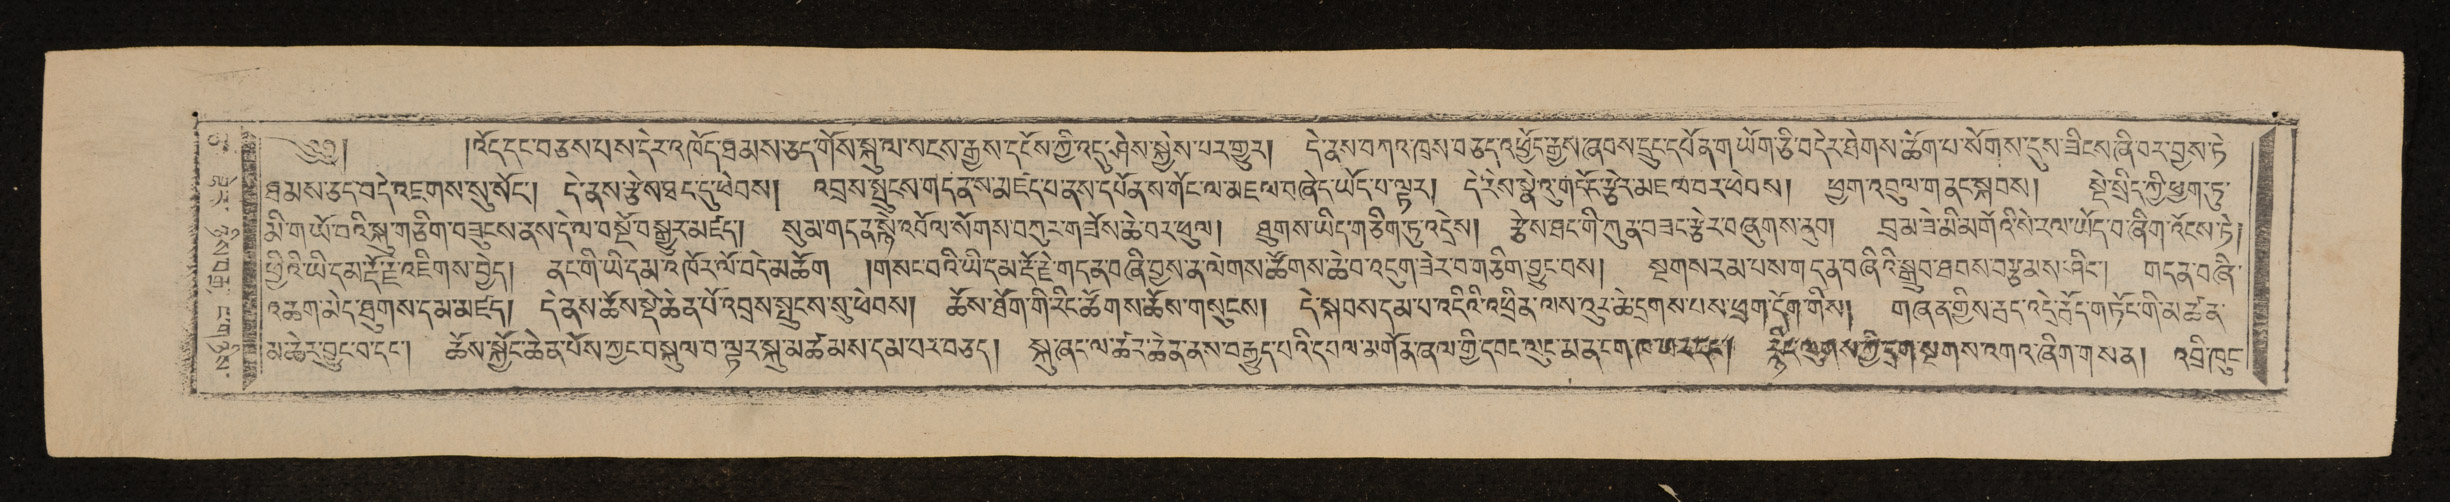༄༅། །འོད་དང་བཅས་པས་དེར་འཁོད་ཐམས་ཅད་གོས་སྐུ་ལ་སངས་རྒྱས་དངོས་ཀྱི་འདུ་ཤེས་སྐྱེས་པར་གྱུར། དེ་ནས་བཀའ་ཁྲས་བཅད་འཕྱོང་རྒྱས་ཞབས་དྲུང་དཔོན་གཡོག་ཅི་བདེར་ཐེགས་ཆོག་པ་སོགས་དུས་ཟིངས་ཞི་པར་བྱས་ཏེ་
ཐམས་ཅད་བདེ་འཇགས་སུ་སོང་། དེ་ནས་རྩེས་ཐང་དུ་ཕེབས། འབྲས་སྤུངས་གདན་ས་མཛད་པ་ནས་དཔོན་ས་གོང་ལ་མཇལ་བཞེད་ཡོད་པ་ལྟར། དེ་རེས་སྣེའུ་གདོང་རྩེར་མཇལ་བར་ཕེབས། ཕྱག་འབུལ་གནང་སྐབས། སྡེ་སྲིད་ཀྱི་ཕྱག་ཏུ་
མི་གཡོ་བའི་སྐུ་གཅིག་བཟུངས་ནས་དེ་ལ་བསྔོ་བསྒྱུར་མཛད། སུམ་གདན་སྙེ་འབོལ་སོགས་བཀུར་གཟོས་ཆེ་བར་ཕུལ། ཐུགས་ཡིད་གཅིག་ཏུ་འདྲེས། རྩེས་ཐང་གི་ཀུན་བཟང་རྩེར་བཞུགས་ནུབ། བྲམ་ཟེ་མི་མགོའི་སེ་རལ་ཡོད་པ་ཞིག་འོངས་ཏེ།
ཕྱིའི་ཡི་དམ་རྡོ་རྗེ་འཇིགས་བྱེད། ནང་གི་ཡི་དམ་འཁོར་ལོ་བདེ་མཆོག །གསང་བའི་ཡི་དམ་རྡོ་རྗེ་གདན་བཞི་བྱས་ན་ལེགས་ཚོགས་ཆེ་བ་འདུག་ཟེར་བ་གཅིག་བྱུང་བས། སྔགས་རམ་པས་གདན་བཞིའི་སྒྲུབ་ཐབས་བརྩམས་ཤིང་། གདན་བཞི་
འཆག་མེད་ཐུགས་དམ་མཛད། དེ་ནས་ཆོས་སྡེ་ཆེན་པོ་འབྲས་སྤུངས་སུ་ཕེབས། ཆོས་ཐོག་གི་རིང་ཚོགས་ཆོས་གསུངས། དེ་སྐབས་དམ་པ་འདིའི་འཕྲིན་ལས་འུར་ཆེ་དྲགས་པས་ཕྲག་དོག་གིས། གཞན་གྱིས་རྦད་འདྲེ་རྦོད་གཏོང་གི་མཚན་
མ་ཆེར་བྱུང་བ་དང་། ཆོས་སྐྱོང་ཆེན་པོས་ཀྱང་བསྐུལ་བ་ལྟར་སྐུ་མཚམས་དམ་པར་བཅད། སྐུ་ཞང་ལ་ཚར་ཆེན་ནས་བརྒྱུད་པའི་དཔལ་མགོན་ཞལ་གྱི་དབང་ལུང་མན་ངག་ཁ་ཡར་དང་། རྙིང་ལུགས་ཀྱི་དྲག་སྔགས་འགའ་ཞིག་གསན། འབྲི་ཁུང་